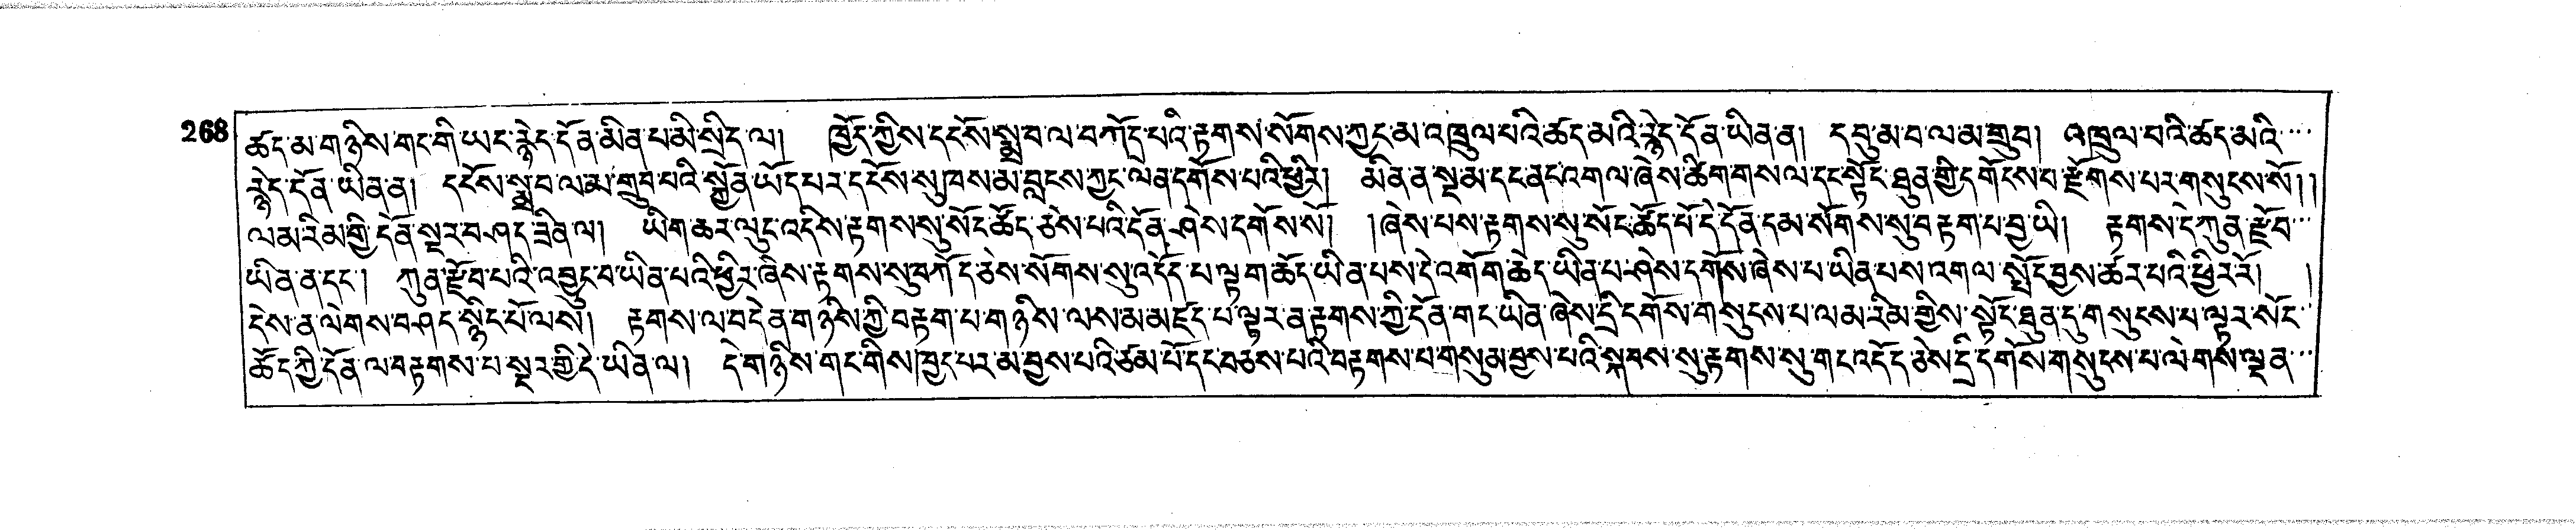ཚད་མ་གཉིས་གང་གི་ཡང་རྙེད་དོན་མིན་པ་མི་སྲིད་ལ། ཁྱོད་ཀྱིས་དངོས་སྨྲ་བ་ལ་བཀོད་པའི་རྟགས་སོགས་ཀྱང་མ་འཁྲུལ་པའི་ཚད་མའི་རྙེད་དོན་ཡིན་ན། དབུ་མ་བ་ལ་མ་གྲུབ། འཁྲུལ་པའི་ཚད་མའི་
རྙེད་དོན་ཡིན་ན། དངོས་སྨྲ་བ་ལ་མ་གྲུབ་པའི་སྐྱོན་ཡོད་པར་དངོས་སུ་ཁས་མ་བླངས་ཀྱང་ལེན་དགོས་པའི་ཕྱིར། མིན་ན་སྔ་མ་དང་ནང་འགལ་ཞེས་ཚིག་གསལ་དང་སྟོང་ཐུན་གྱི་དགོངས་པ་རྫོགས་པར་གསུངས་སོ། །
ལམ་རིམ་གྱི་དོན་སྔར་བཤད་ཟིན་ལ། ཡིག་ཆར་ལུང་འདིས་རྟགས་སུ་སོང་ཚོད་ཅེས་པའི་དོན་ཤེས་དགོས་སོ། །ཞེས་པས་རྟགས་སུ་སོང་ཚོད་པོ་དེ་དོན་དམ་སོགས་སུ་བརྟག་པ་བྱ་ཡི། རྟགས་དེ་ཀུན་རྫོབ་
ཡིན་ན་དང་། ཀུན་རྫོབ་པའི་འབྱུང་བ་ཡིན་པའི་ཕྱིར་ཞེས་རྟགས་སུ་བཀོད་ཅེས་སོགས་སུ་འདོད་པ་ལྟག་ཆོད་ཡིན་པས་དེ་འགོག་ཆེད་ཡིན་པ་ཤེས་དགོས་ཞེས་པ་ཡིན་པས་འགལ་སྤོང་བྱས་ཚར་པའི་ཕྱིར་རོ། །
དེས་ན་ལེགས་བཤད་སྙིང་པོ་ལས། རྟགས་ལ་བདེན་གཉིས་ཀྱི་བརྟག་པ་གཉིས་ལས་མ་མཛད་པ་ལྟར་ན་རྟགས་ཀྱི་དོན་གང་ཡིན་ཞེས་དྲི་དགོས་གསུངས་པ་ལམ་རིམ་གྱིས་སྟོང་ཐུན་དུ་གསུངས་པ་ལྟར་སོང་
ཚོད་ཀྱི་དོན་ལ་བརྟགས་པ་སྔར་གྱི་དེ་ཡིན་ལ། དེ་གཉིས་གང་གིས་ཁྱད་པར་མ་བྱས་པའི་ཙམ་པོ་དང་བཅས་པའི་བརྟགས་པ་གསུམ་བྱས་པའི་སྐབས་སུ་རྟགས་སུ་གང་འདོད་ཅེས་དྲི་དགོས་གསུངས་པ་ལེགས་ལྡན་